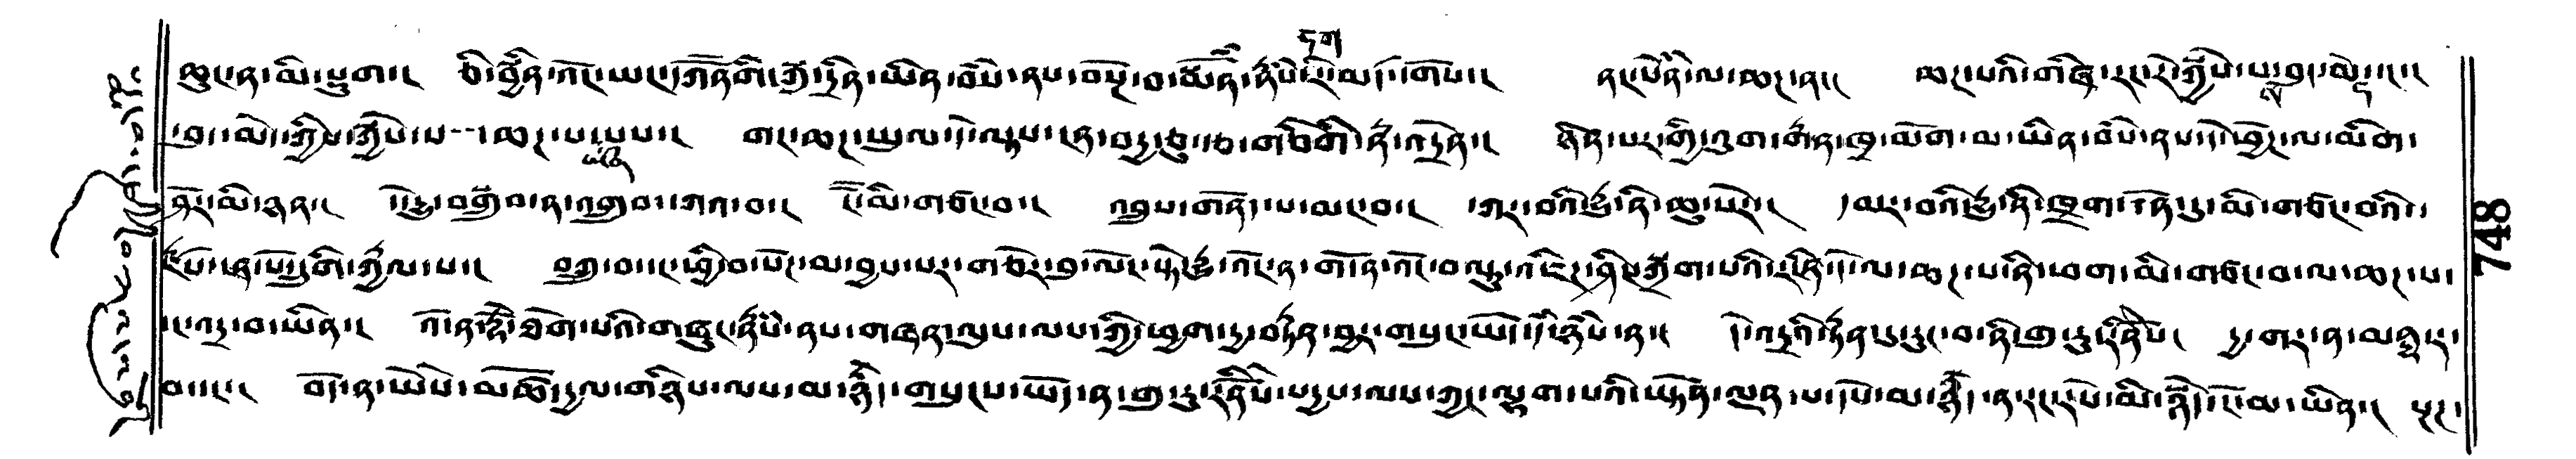ཆུང་ན་མི་སྡུག ཅི་སྦྱིན་འོང་ཡང་དཀོན་མཆོག་གི་སྐུ་དྲིན་ཡིན་བསམ་ནས་བསྔོ་བ་སྨོན་ལམ་རྣམ་དག་རེ་མཛད་དགོས། ནང་སེམས་ཅན་ལ་ཆགས་ན། ཆགས་པའི་གཞི་རང་རེ་སྐྱེས་པས་བུད་མེད་དང་། 
བུད་མེད་ཀྱིས་སྐྱེས་པར་ཆགས་པ་ཡིན་པས།གང་ཆགས་ཡུལ་དེ་ལྟས་ངན་བརྒྱད་ཅུ་རྩ་གཅིག་གི་རྣ་འདྲེན། ཉིན་པར་གྱི་འུག་རྒན་ཁྲ་མགོ་མ་ཡིན་བསམ་ནས་དེ་ཕྱོགས་ལ་མིག་
ཤོར་མི་ཉན། དེ་རྒྱུ་བསྒྲུབ་ན་འགྲུབ་དཀའ་བ། ངོ་བོ་མི་གཙང་བ། འབྲས་བུ་གནོད་པ་མང་བ། དཀར་བའི་རྒྱུ་ནི་ཆུ་སེར། དམར་བའི་རྒྱུ་ནི་ཁྲག དོན་དུ་མི་གཙང་བའི་
རྫས་ངན་སོ་དྲུག་གི་རྐྱལ་པ། བཀྲུ་བ་དང་ཕྱི་བ་སོགས་མ་བྱས་པར་གཅེར་བུ་ལངས་སྟེ་རྒྱུག་འོངས་ན་གདོན་འོང་ལྟ་བུ་འཇིགས་ཤིང་སྐྲག་པའི་རང་བཞིན་དེ་ལ་ཆགས་པ་ནི་ཕག་མི་གཙང་བ་ལ་ཆགས་པ་
དང་འདྲ་བ་ཡིན། འོ་ན་རྡོ་རྗེ་ཐེག་པའི་གཞུང་རྣམས་ནས་གཞན་ལུས་ལས་ཀྱི་ཕྱག་རྒྱ་སྟེན་བྱར་གསུངས་ཡོད་དོ་ཉམས་ན། དེ་འདྲའི་སྟེན་དུ་རུང་བ་ནི་གུ་རུ་རིན་པོ་ཆེས། རྒྱ་གར་ན་མནྡྷ་ར་
བ་དང་། བོད་ན་ཡེ་ཤེས་མཚོ་རྒྱལ་གཉིས་ལས་མ་རྙེད་གསུངས་ཡོད་ན་གུ་རུ་རིན་པོ་ཆེ་སངས་རྒྱས་ལས་ཀྱང་ལྷག་པའི་ཡོན་ཏན་ལྡན་པ་དེས་མ་རྙེད་ན་རང་རེས་མི་རྙེད་ངོ་མ་ཡིན། སྔགས་